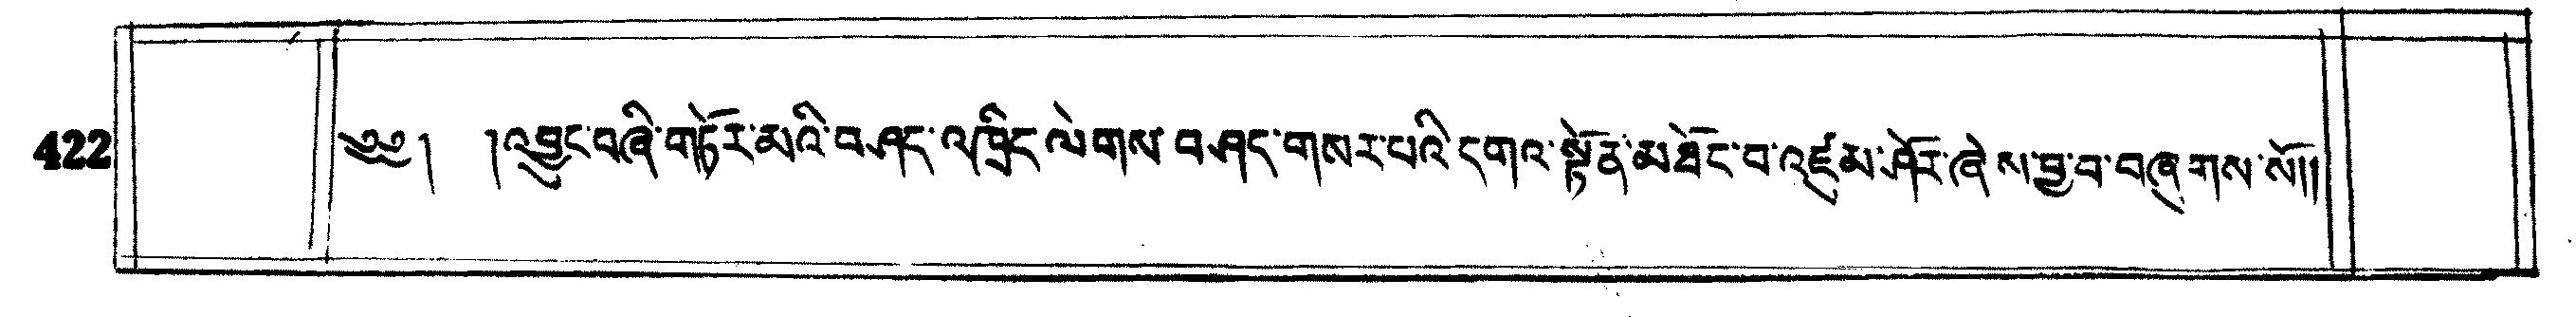༄༅། །འབྱུང་བཞི་གཏོར་མའི་བཤད་འཁྲིད་ལེགས་བཤད་གསར་པའི་དགའ་སྟོན་མཐོང་བ་འཛུམ་ཤོར་ཞེས་བྱ་བ་བཞུགས་སོ།།